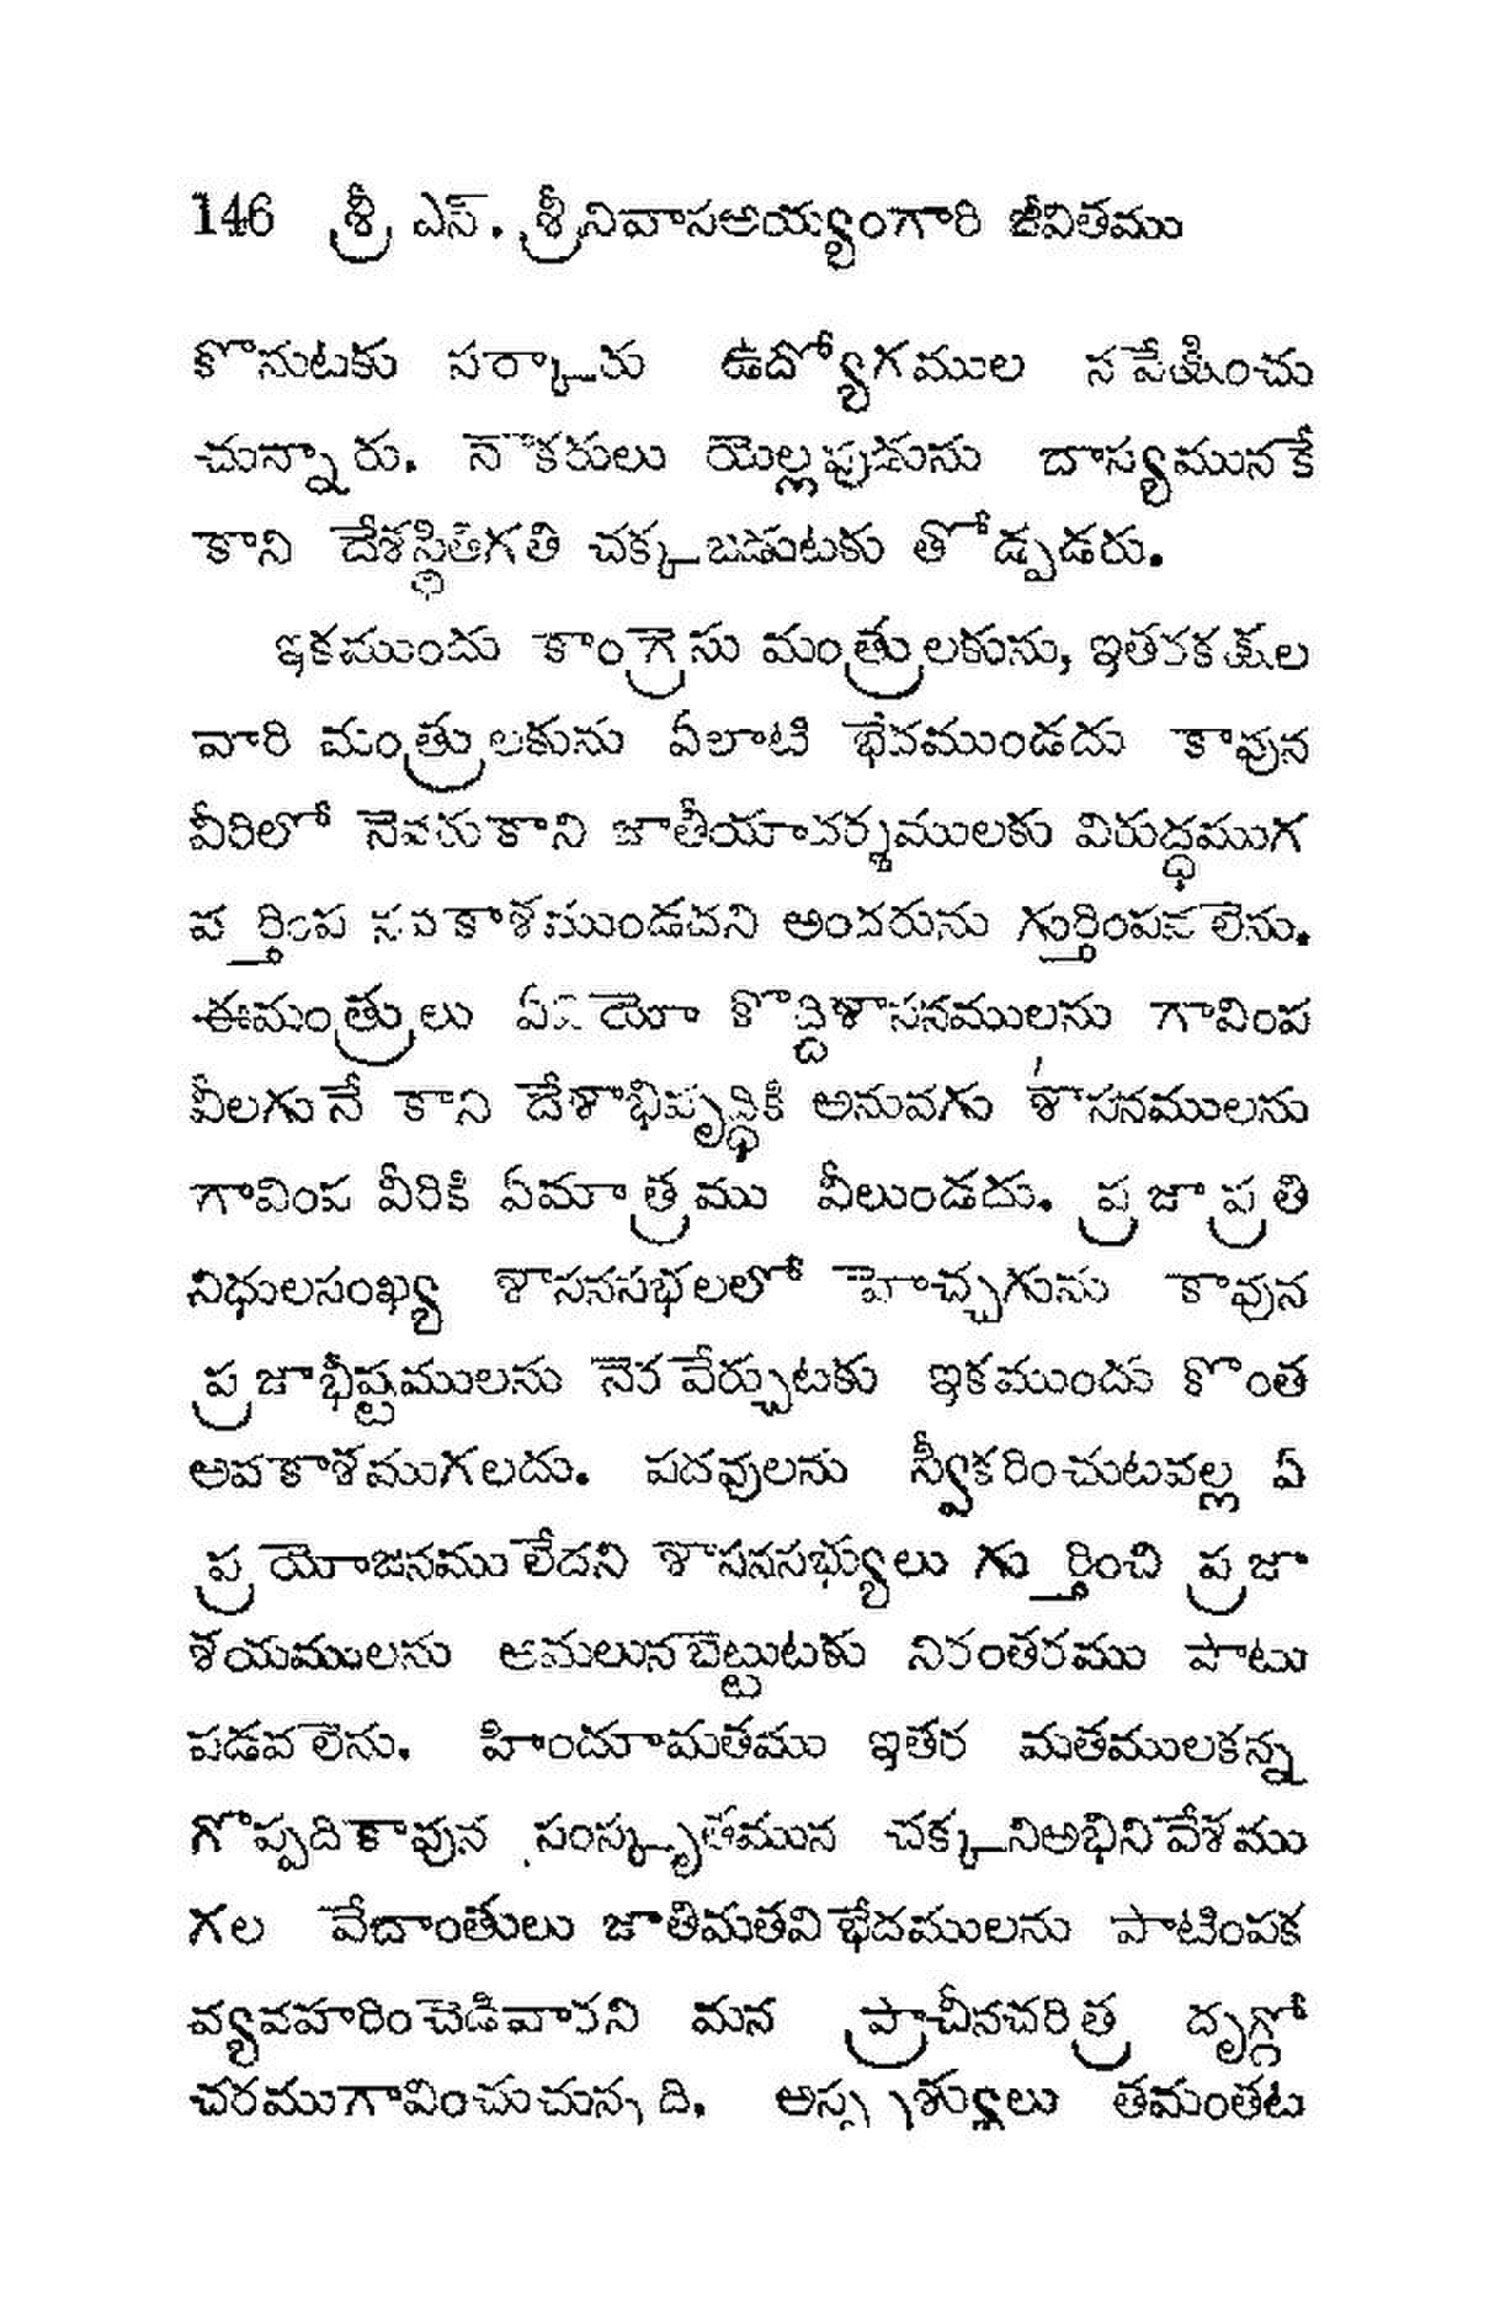కొనుటకు సర్కారు ఉద్యోగముల నపేక్షించు చున్నారు. నౌకరులు యెల్లప్పుడును దాస్యమునకే కాని దేశస్థితిగతి చక్కబడుటకు తోడ్పడరు.

ఇకముందు కాంగ్రెసు మంత్రులకును, ఇతరకక్షలవారి మంత్రులకును ఏలాటి భేదముండదు. కావున వీరిలో నెవరుకాని జాతీయాదర్శములకు విరుద్దముగ పర్తింప నవకాశముండదని అందరును గుర్తింపవలెను. ఈమంత్రులు ఏవియో కొద్దిశాసనములను గావింప వీలగునే కాని దేశాభివృద్ధికి అనువగు శాసనములను గావింప వీరికి ఏమాత్రము వీలుండదు. ప్రజాప్రతినిధులసంఖ్య శాసనసభలలో హైచ్చగును కావున ప్రజాభీష్టములను నెరవేర్చుటకు ఇకముందు కొంత అవకాశముగలదు. పదవులను స్వీకరించుటవల్ల ఏ ప్రయోజనములేదని శాసనసభ్యులు గుర్తించి ప్రజాశయములను అమలునబెట్టుటకు నిరంతరము పాటుపడవలెను. హిందూమతము ఇతర మతములకన్న గొప్పదికావున సంస్కృతమున చక్కనిఅభినివేశము గల వేదాంతులు జాతిమతవిభేదములను పాటింపక వ్యవహరించెడివారని మన ప్రాచీనచరిత్ర దృగ్గోచరముగావించుచున్నది. అస్పృశ్యులు తమంతట